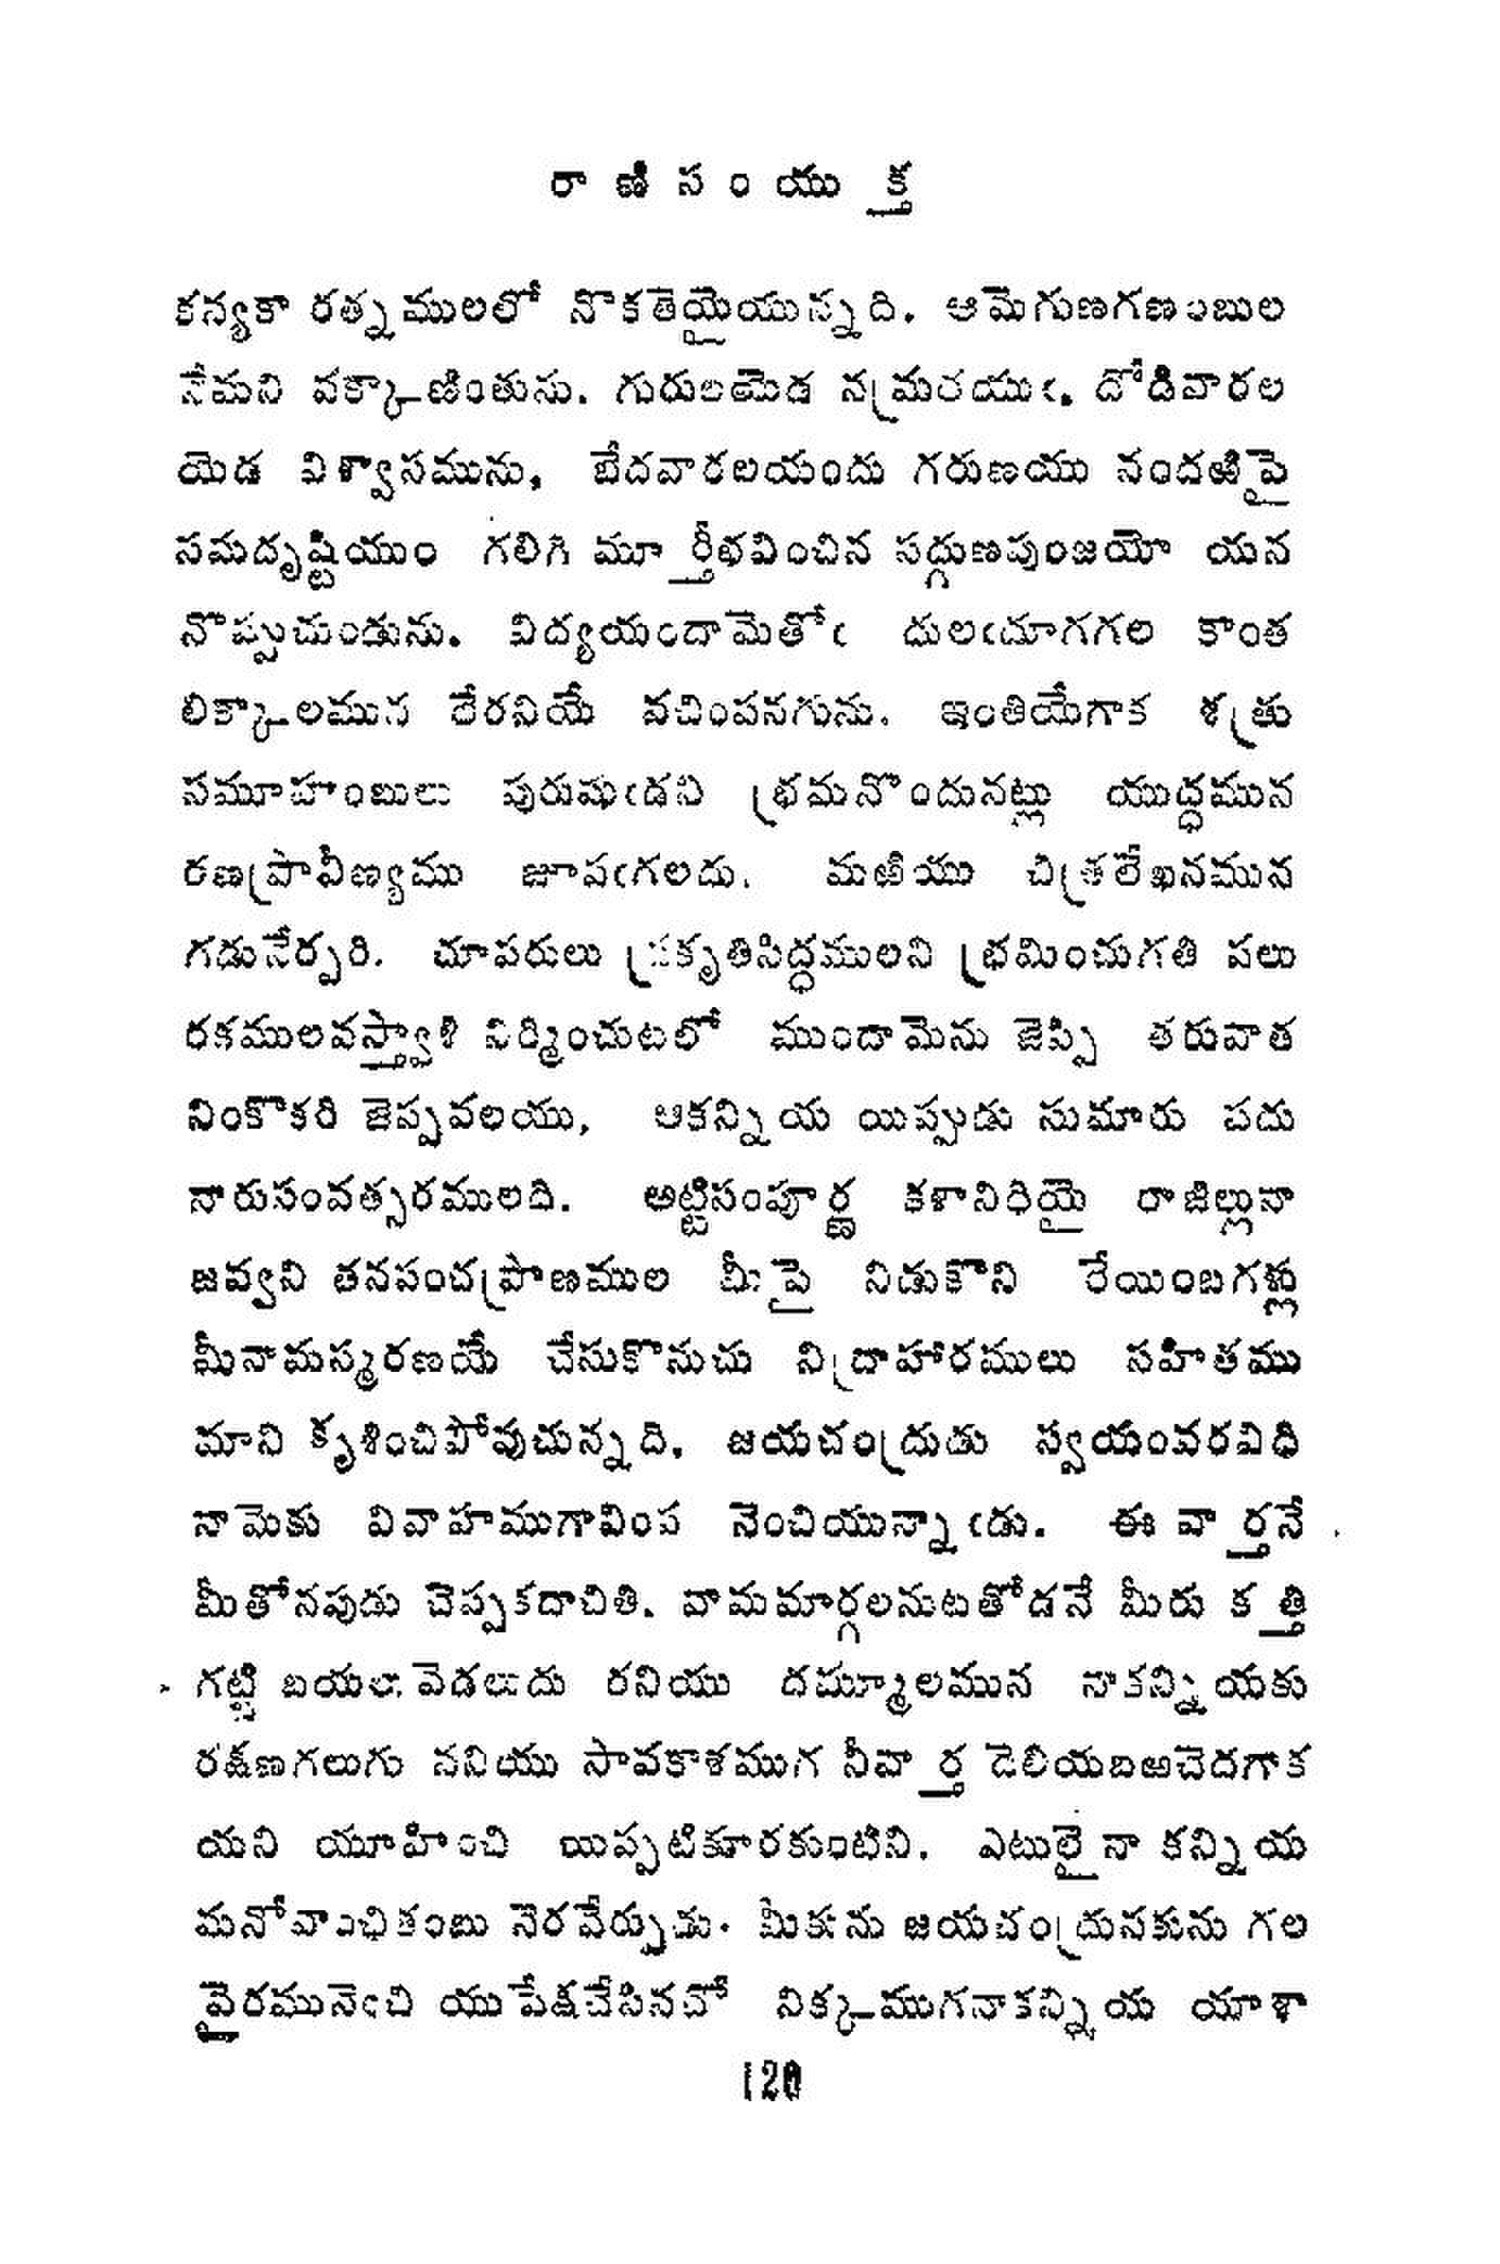కన్యకా రత్నములలో నొకతెయైయున్నది. ఆమె గుణగణంబుల నేమని వక్కాణింతును. గురులయెడ నమ్రతయుఁ, దోడివారల యెడ విశ్వాసమును, బేదవారలయందు గరుణయు నందఱిపై సమదృష్టియుం గలిగి మూర్తీభవించిన సద్గుణపుంజయో యన నొప్పుచుండును. విద్యయందామెతోఁ దులఁదూగగల కాంత లిక్కాలమున లేరనియే వచింపనగును. ఇంతియేగాక శత్రు సమూహంబులు పురుషుఁడని భ్రమనొందునట్లు యుద్ధమున రణప్రావీణ్యము జూపఁగలదు. మఱియు చిత్రలేఖనమున గడునేర్పరి. చూపరులు ప్రకృతిసిద్ధములని భ్రమించుగతి పలురకములవస్త్వాళి నిర్మించుటలో ముందామెను జెప్పి తరువాత నింకొకరి జెప్పవలయు, ఆకన్నియ యిప్పుడు సుమారు పదునారుసంవత్సరములది. అట్టిసంపూర్ణ కళానిధియై రాజిల్లునా జవ్వని తనపంచప్రాణముల మీపై నిడుకొని రేయింబగళ్లు మీనామస్మరణయే చేసుకొనుచు నిద్రాహారములు సహితము మాని కృశించిపోపుచున్నది. జయచంద్రుడు స్వయంవరవిధి నామెకు వివాహముగావింప నెంచియున్నాడు. ఈ వార్తనే మీతోనపుడు చెప్పకదాచితి. వామమార్గలనుటతోడనే మీరు కత్తిగట్టి బయలువెడలుదు రనియు దమ్మూలమున నాకన్నియకు రక్షణగలుగు ననియు సావకాశముగ నీవార్త దెలియబఱచెదగాక యని యూహించి యిప్పటి కూరకుంటిని. ఎటులైనా కన్నియ మనోవాంఛితంబు నెరవేర్పుడు. మీకను జయచంద్రునకును గల వైరమునెంచి యుపేక్షషచేసినచో నిక్కముగనాకన్నియ యాశా